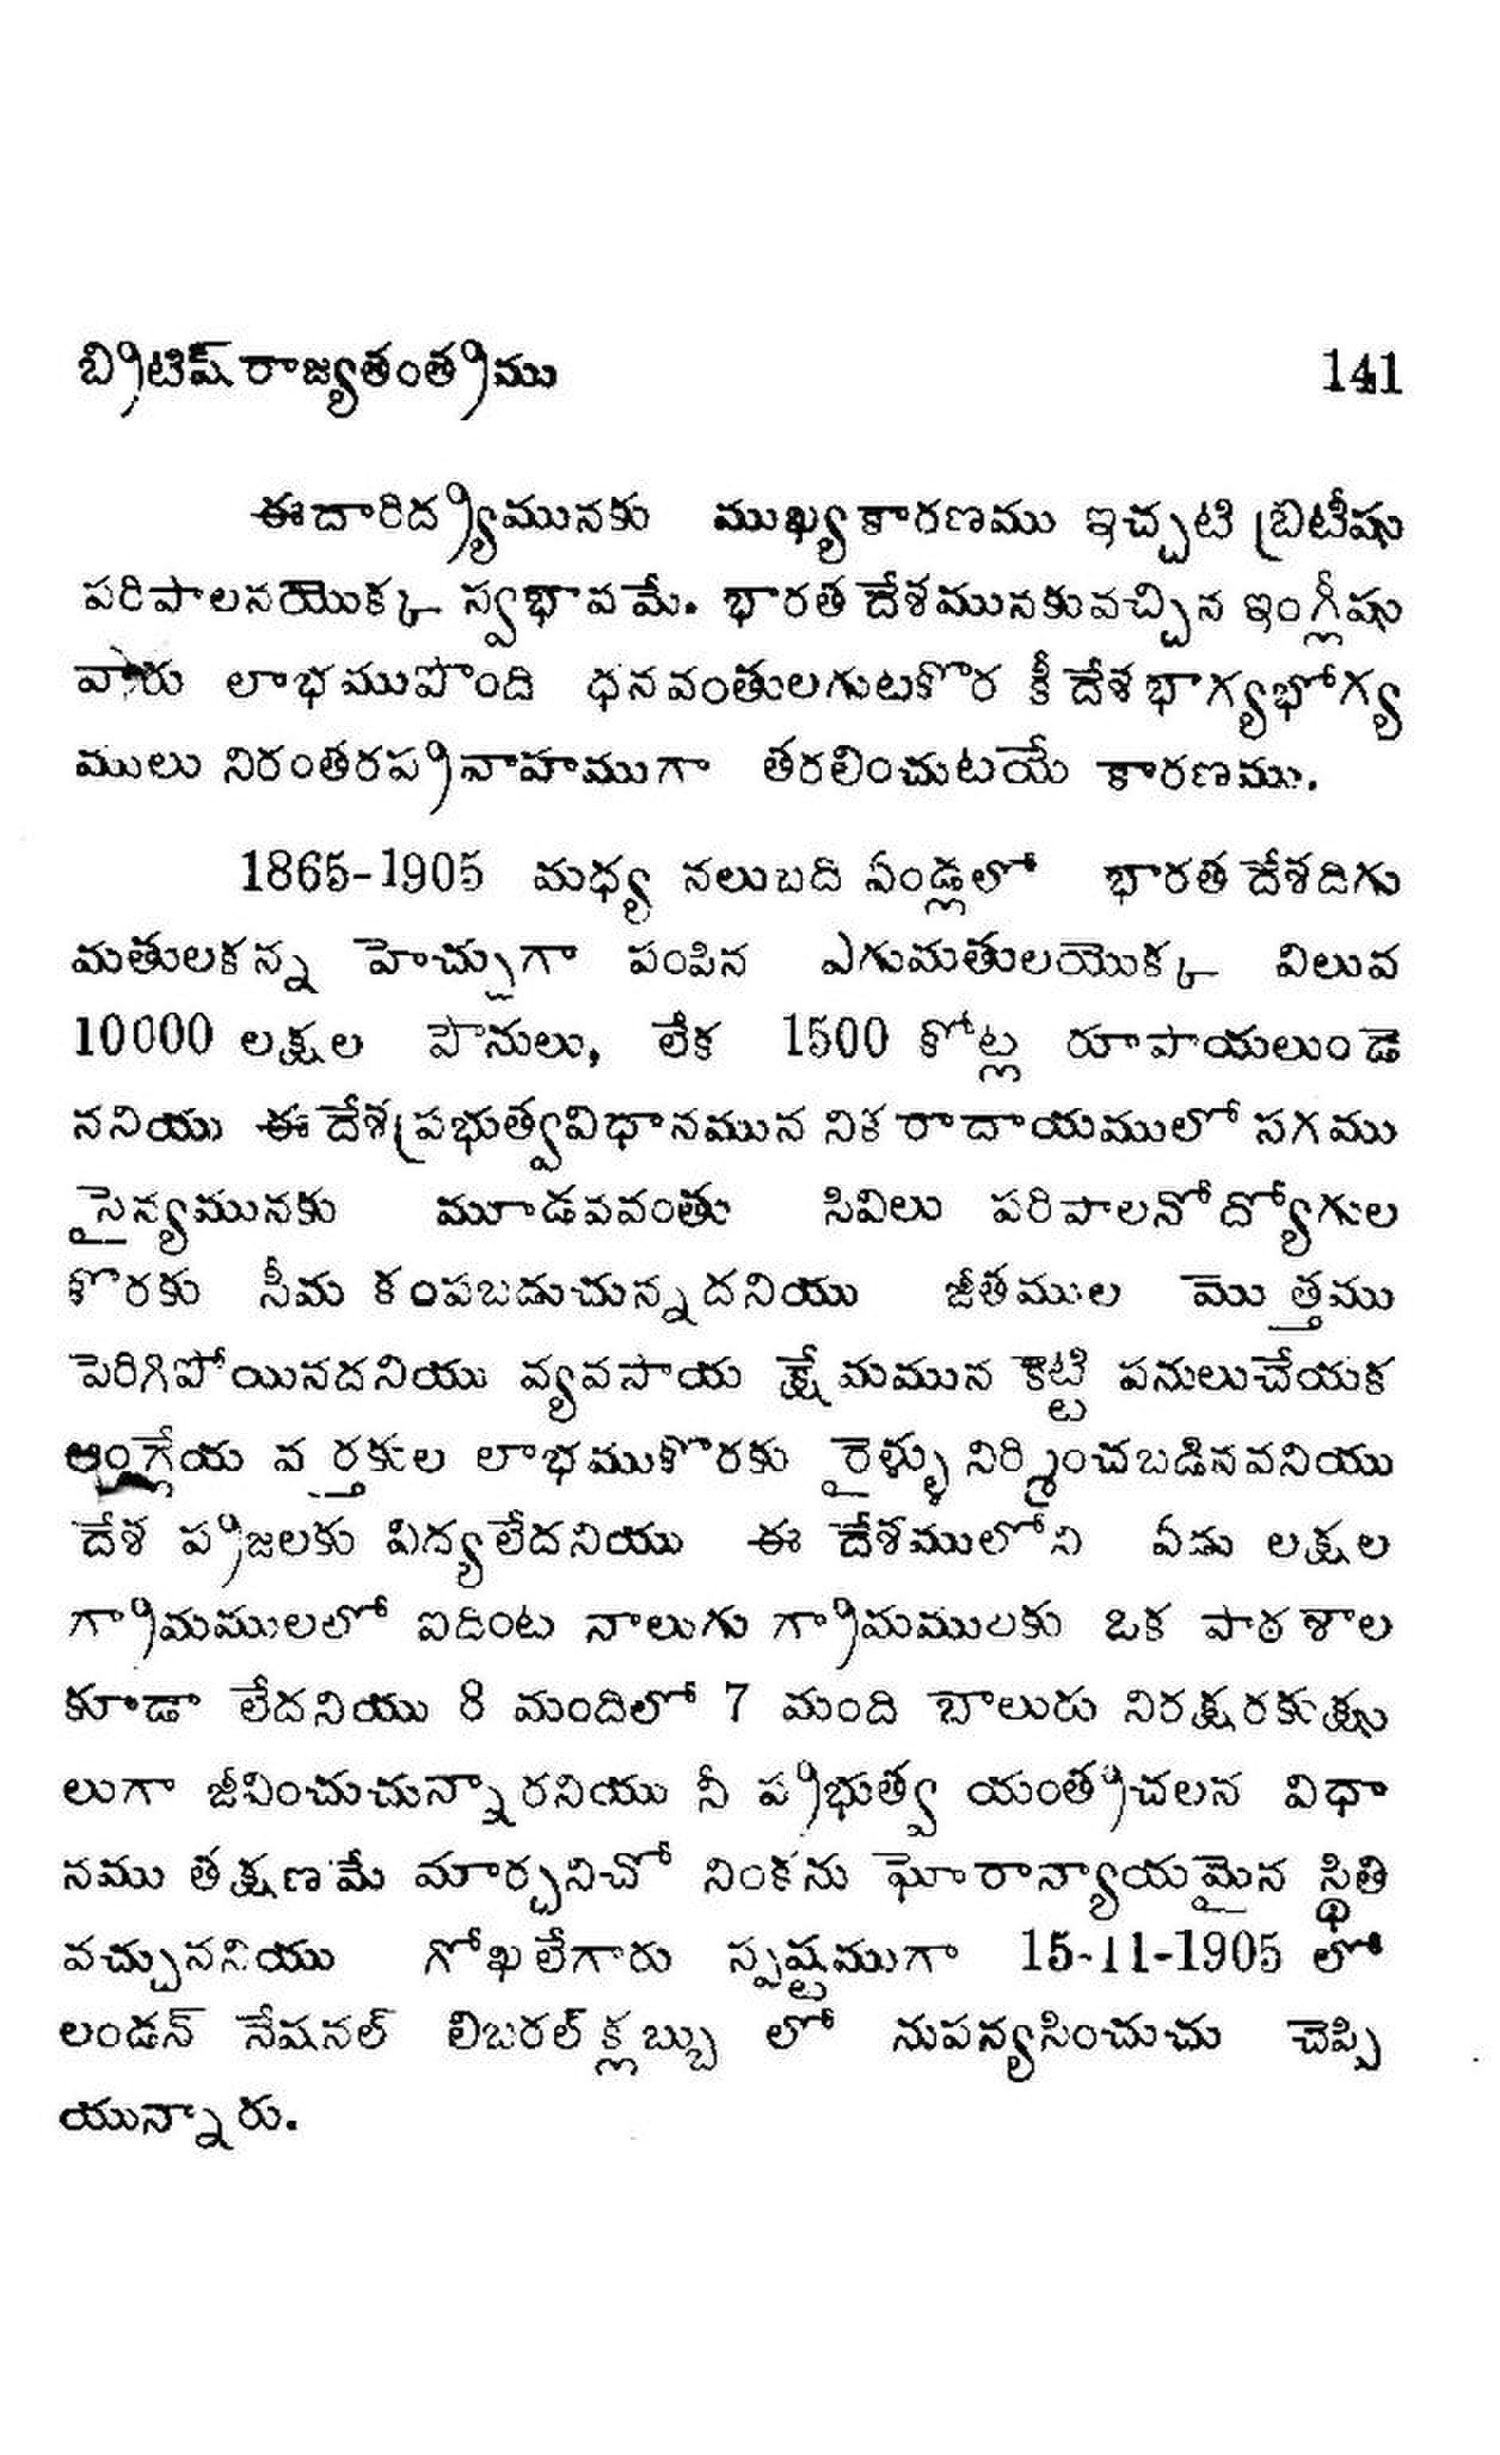ఈ దారిద్ర్యమునకు ముఖ్యకారణము ఇచ్చటి బ్రిటీషు పరిపాలనయొక్క స్వభావమే. భారతదేశమునకువచ్చిన ఇంగ్లీషువారు లాభముపొంది ధనవంతులగుటకొర కీదేశభాగ్యభోగ్యములు నిరంతరప్రవాహముగా తరలించుటయే కారణము..

1865-1905 మధ్య నలుబది ఏండ్లలో భారతదేశదిగుమతులకన్న హెచ్చుగా పంపిన ఎగుమతులయొక్క విలువ 10000 లక్షల పౌనులు, లేక 1500 కోట్ల రూపాయలుండెననియు ఈ దేశప్రభుత్వవిధానమున నికరాదాయములో సగము సైన్యమునకు మూడవవంతు సివిలు పరిపాలనోద్యోగుల కొరకు సీమ కంపబడుచున్నదనియు జీతముల మొత్తము పెరిగిపోయినదనియు వ్యవసాయ క్షేమమున కెట్టి పనులుచేయక ఆంగ్లేయ వర్తకుల లాభముకొరకు రైళ్ళు నిర్మించబడినవనియు దేశ ప్రజలకు విద్యలేదనియు ఈ దేశములోని ఏడు లక్షల గ్రామములలో ఐదింట నాలుగు గ్రామములకు ఒక పాఠశాల కూడా లేదనియు 8 మందిలో 7 మంది బాలురు నిరక్షరకుక్షులుగా జీవించుచున్నారనియు నీ ప్రభుత్వ యంత్రచలన విధానము తక్షణమే మార్చనిచో నింకను ఘోరాన్యాయమైన స్థితి వచ్చుననియు గోఖలేగారు స్పష్టముగా 15-11-1905 లో లండన్ నేషనల్ లిబరల్ క్లబ్బు లో నుపన్యసించుచు చెప్పియున్నారు.